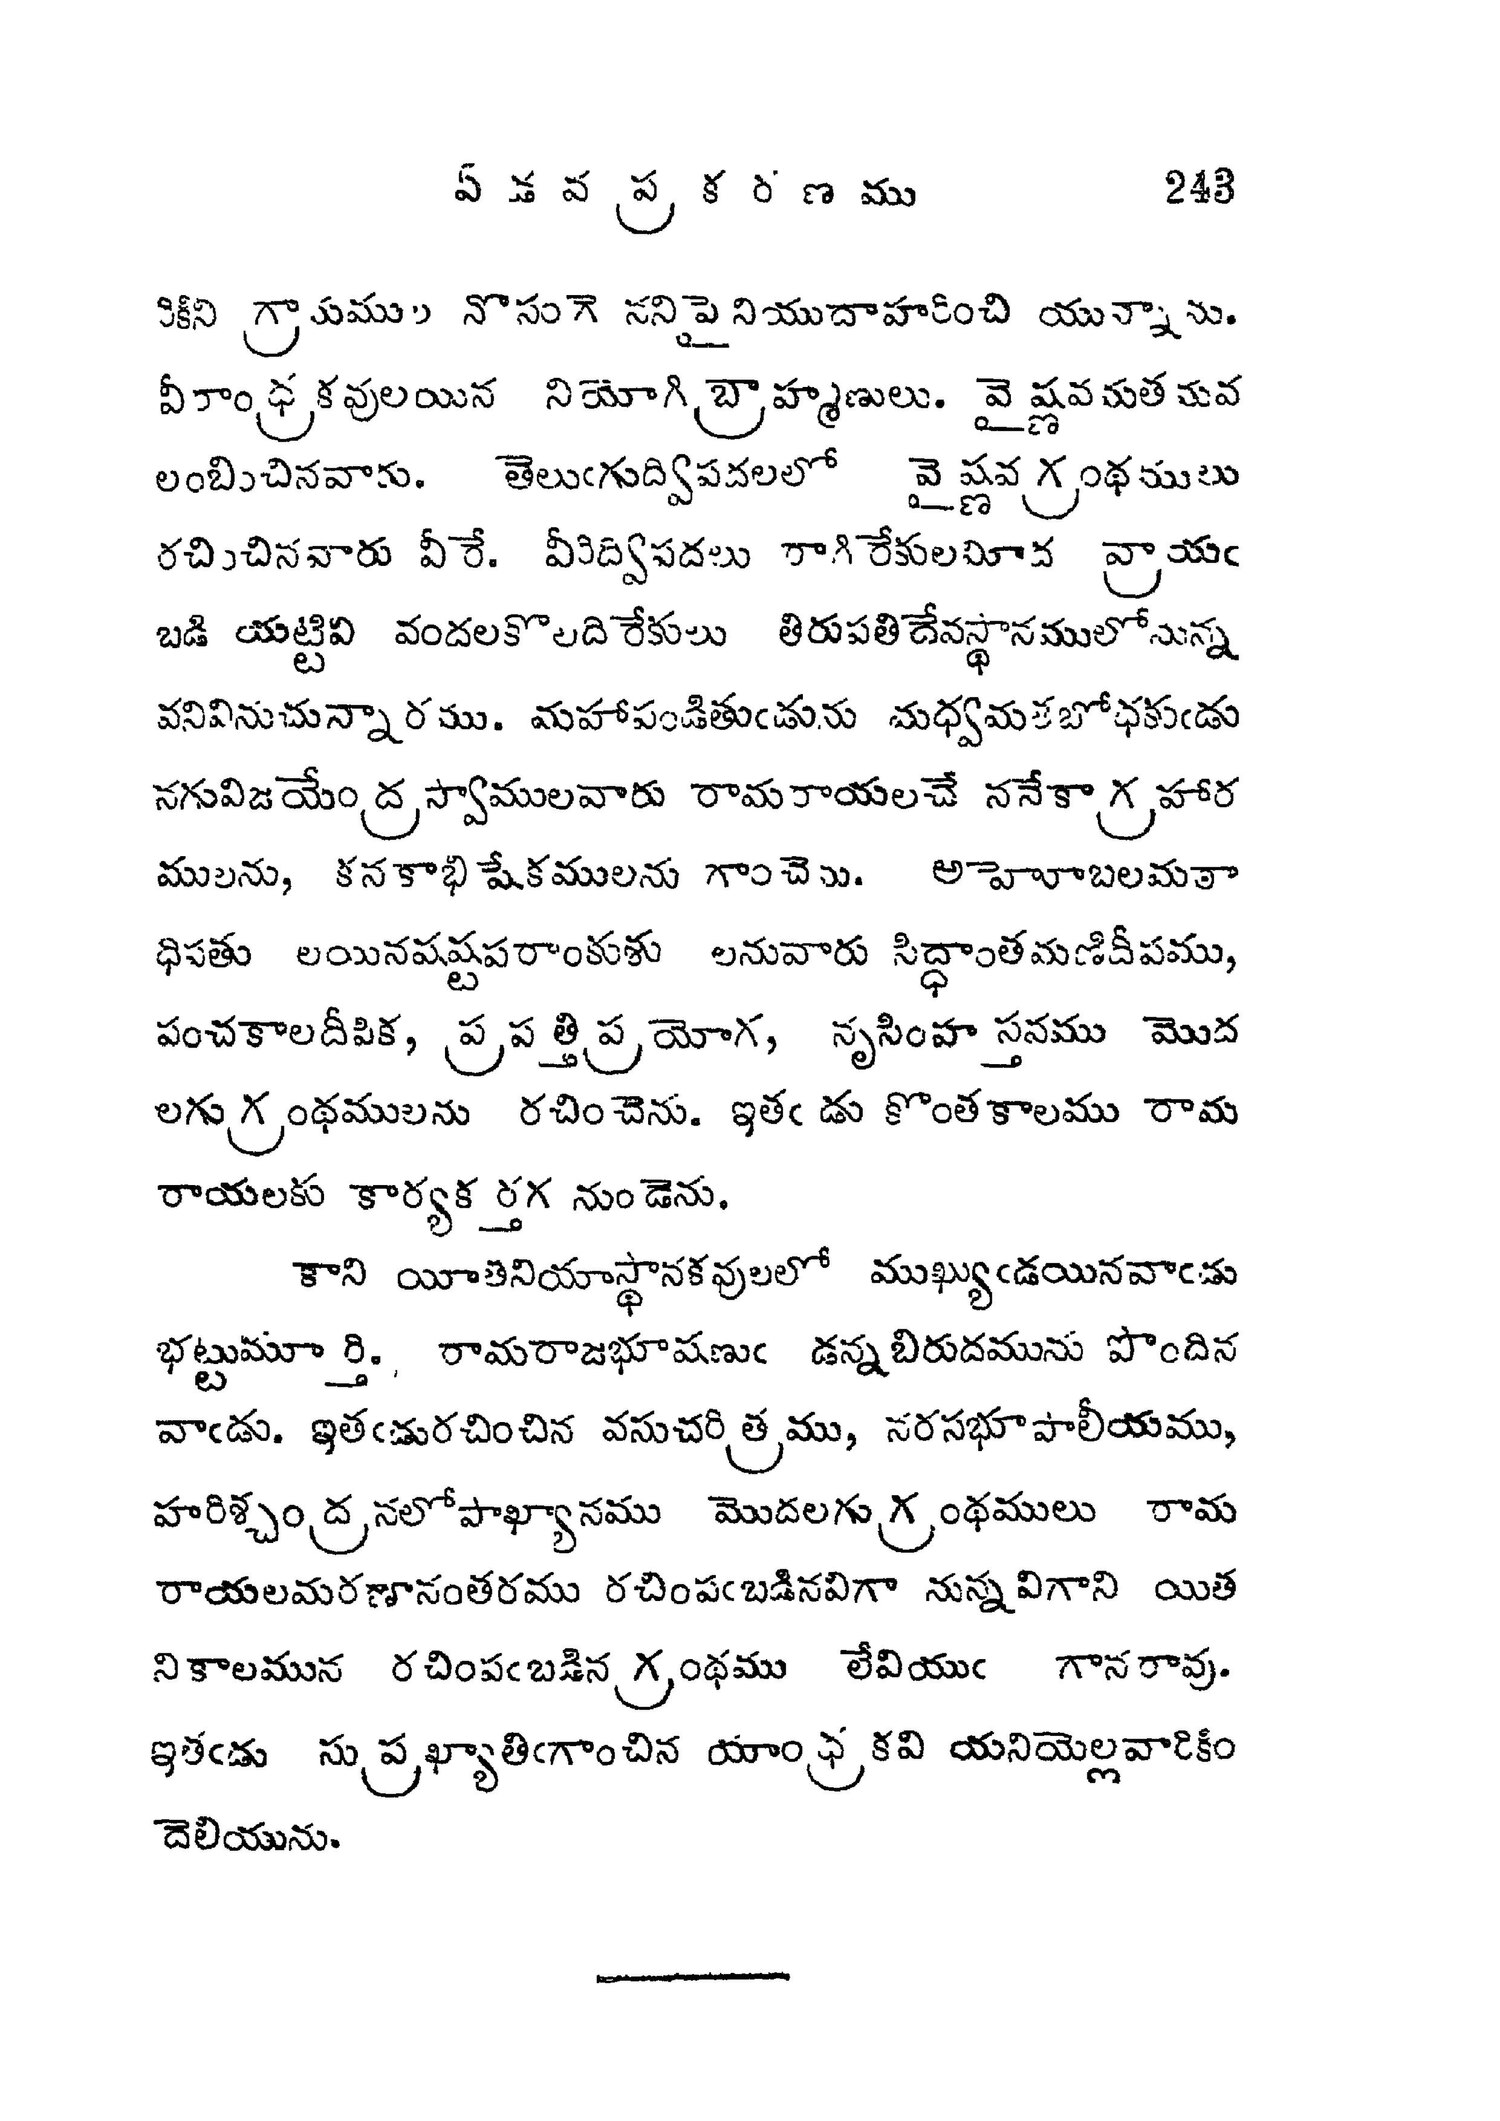రికిని గ్రామముల నొసంగె ననిపైనియుదాహరించి యున్నాను. వీరాంధ్రకవులయిన నియోగి బ్రాహ్మణులు, వైష్ణవమతమవలంబించినవారు. తెలుగుద్విపదలలో వైష్ణవగ్రంథములు రచించినవారు వీరే. వీరిద్విపదలు రాగిరేకులమీద వ్రాయబడి యట్టివి వందలకొలదిరేకులు తిరుపతిదేవస్థానములో నున్నవని వినుచున్నారము. మహాపండితుడును మధ్వమతబోధకుడునగు విజయేంద్రస్వాములవారు రామరాయలచే ననేకాగ్రహారములను, కనకాభిషేకములను గాంచెను. అహోబలమఠాధిపతు లయినషష్టపరాంకుశు లనువారు సిద్ధాంతమణిదీపము, పంచకాలదీపిక, ప్రపత్తిప్రయోగ, నృసింహస్తవము మొదలగుగ్రంథములను రచించెను. ఇతడు కొంతకాలము రామరాయలకు కార్యకర్తగ నుండెను.

కాని యీతనియాస్థానకవులలో ముఖ్యుడయినవాడు భట్టుమూర్తి. రామరాజభూషణు డన్నబిరుదమును పొందినవాడు. ఇతడురచించిన వసుచరిత్రము, నరసభూపాలీయము, హరిశ్చంద్రనలోపాఖ్యానము మొదలగుగ్రంథములు రామరాయలమరణానంతరము రచింపబడినవిగా నున్నవిగాని యితనికాలమున రచింపబడినగ్రంథము లేవియు గానరావు. ఇతడు సుప్రఖ్యాతిగాంచిన యాంధ్రకవి యనియెల్లవారికిం దెలియును.

____________-